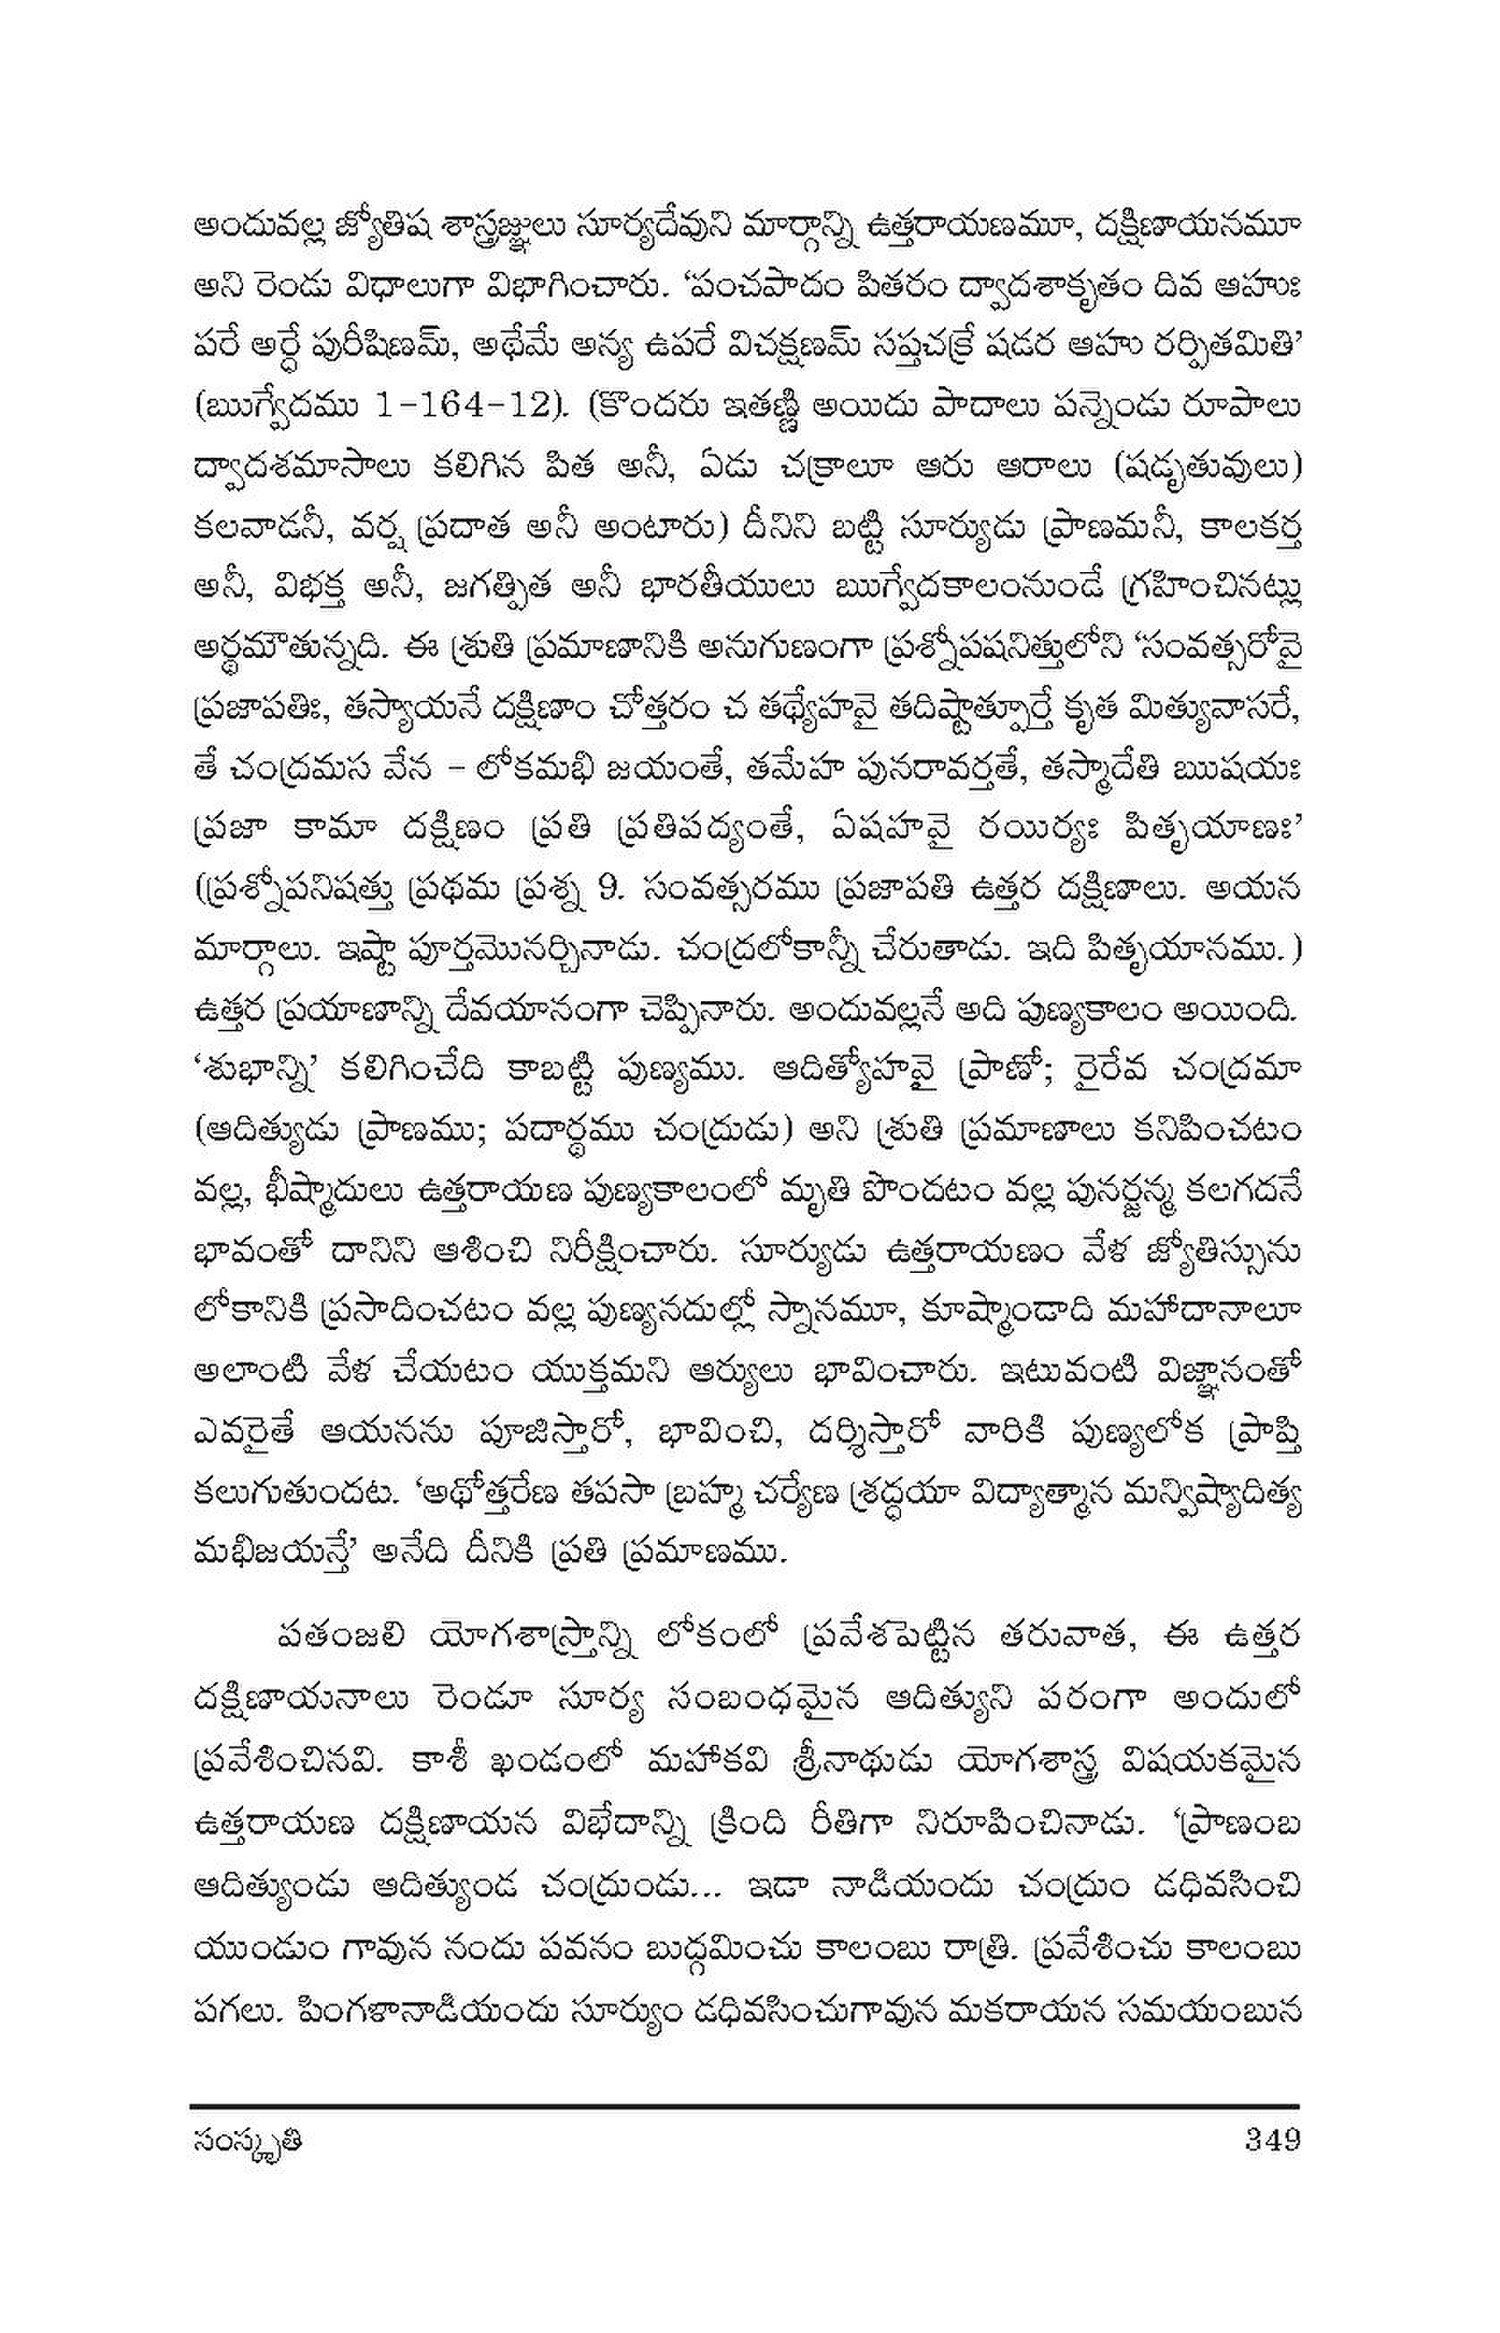అందువల్ల జ్యోతిష శాస్త్రజ్ఞులు సూర్యదేవుని మార్గాన్ని ఉత్తరాయణమూ, దక్షిణాయనమూ
అని రెండు విధాలుగా విభాగించారు. 'పంచపాదం పితరం ద్వాదశాకృతం దివ ఆహుః
పరే అర్ద పురీషిణమ్, అథేమే అన్య ఉపరే విచక్షణమ్ సప్తచక్రే షడర ఆహు రర్పితమితి'
(ఋగ్వేదము 1-164-12). (కొందరు ఇతణ్ణి అయిదు పాదాలు పన్నెండు రూపాలు
ద్వాదశమాసాలు కలిగిన పిత అనీ, ఏడు చక్రాలూ ఆరు ఆరాలు (షడృతువులు)
కలవాడనీ, వర్ష ప్రదాత అనీ అంటారు) దీనిని బట్టి సూర్యుడు ప్రాణమనీ, కాలకర్త
అనీ, విభక్త అనీ, జగత్పిత అనీ భారతీయులు ఋగ్వేదకాలంనుండే గ్రహించినట్లు
అర్థమౌతున్నది. ఈ శ్రుతి ప్రమాణానికి అనుగుణంగా ప్రశ్నోపనిత్తులోని 'సంవత్సరోవై
ప్రజాపతిః, తస్యాయనే దక్షిణాం చోత్తరం చ తథ్యేహవై తదిష్టాత్పూర్తే కృత మిత్యువాసరే,
తే చంద్రమస వేన – లోకమభి జయంతే, తమేహ పునరావర్తతే, తస్మాదేతి ఋషయః
ప్రజా కామా దక్షిణం ప్రతి ప్రతిపద్యంతే, ఏషహవై రయిర్యః పితృయాణః'
(ప్రశ్నోపనిషత్తు ప్రథమ ప్రశ్న 9. సంవత్సరము ప్రజాపతి ఉత్తర దక్షిణాలు. ఆయన
మార్గాలు. ఇష్టా పూర్తమొనర్చినాడు. చంద్రలోకాన్ని చేరుతాడు. ఇది పితృయానము. )
ఉత్తర ప్రయాణాన్ని దేవయానంగా చెప్పినారు. అందువల్లనే అది పుణ్యకాలం అయింది.
'శుభాన్ని' కలిగించేది కాబట్టి పుణ్యము. ఆదిత్యోహవై ప్రాణో; రైరేవ చంద్రమా
(ఆదిత్యుడు ప్రాణము; పదార్థము చంద్రుడు) అని శ్రుతి ప్రమాణాలు కనిపించటం
వల్ల, భీష్మాదులు ఉత్తరాయణ పుణ్యకాలంలో మృతి పొందటం వల్ల పునర్జన్మ కలగదనే
భావంతో దానిని ఆశించి నిరీక్షించారు. సూర్యుడు ఉత్తరాయణం వేళ జ్యోతిస్సును
లోకానికి ప్రసాదించటం వల్ల పుణ్యనదుల్లో స్నానమూ, కూష్మాండాది మహాదానాలూ
అలాంటి వేళ చేయటం యుక్తమని ఆర్యులు భావించారు. ఇటువంటి విజ్ఞానంతో
ఎవరైతే ఆయనను పూజిస్తారో, భావించి, దర్శిస్తారో వారికి పుణ్యలోక ప్రాప్తి
కలుగుతుందట. 'అథోత్తరేణ తపసా బ్రహ్మ చర్యేణ శ్రద్ధయా విద్యాత్మాన మన్విష్యాదిత్య
మభిజయస్తే' అనేది దీనికి ప్రతి ప్రమాణము.

పతంజలి యోగశాస్త్రాన్ని లోకంలో ప్రవేశపెట్టిన తరువాత, ఈ ఉత్తర
దక్షిణాయనాలు రెండూ సూర్య సంబంధమైన ఆదిత్యుని పరంగా అందులో
ప్రవేశించినవి. కాశీ ఖండంలో మహాకవి శ్రీనాథుడు యోగశాస్త్ర విషయకమైన
ఉత్తరాయణ దక్షిణాయన విభేదాన్ని క్రింది రీతిగా నిరూపించినాడు. 'ప్రాణంబ
ఆదిత్యుండు ఆదిత్యుండ చంద్రుండు... ఇడా నాడియందు చంద్రుం డధివసించి
యుండుం గావున నందు పవనం బుద్దమించు కాలంబు రాత్రి. ప్రవేశించు కాలంబు
పగలు. పింగళానాడియందు సూర్యుం డధివసించుగావున మకరాయన సమయంబున